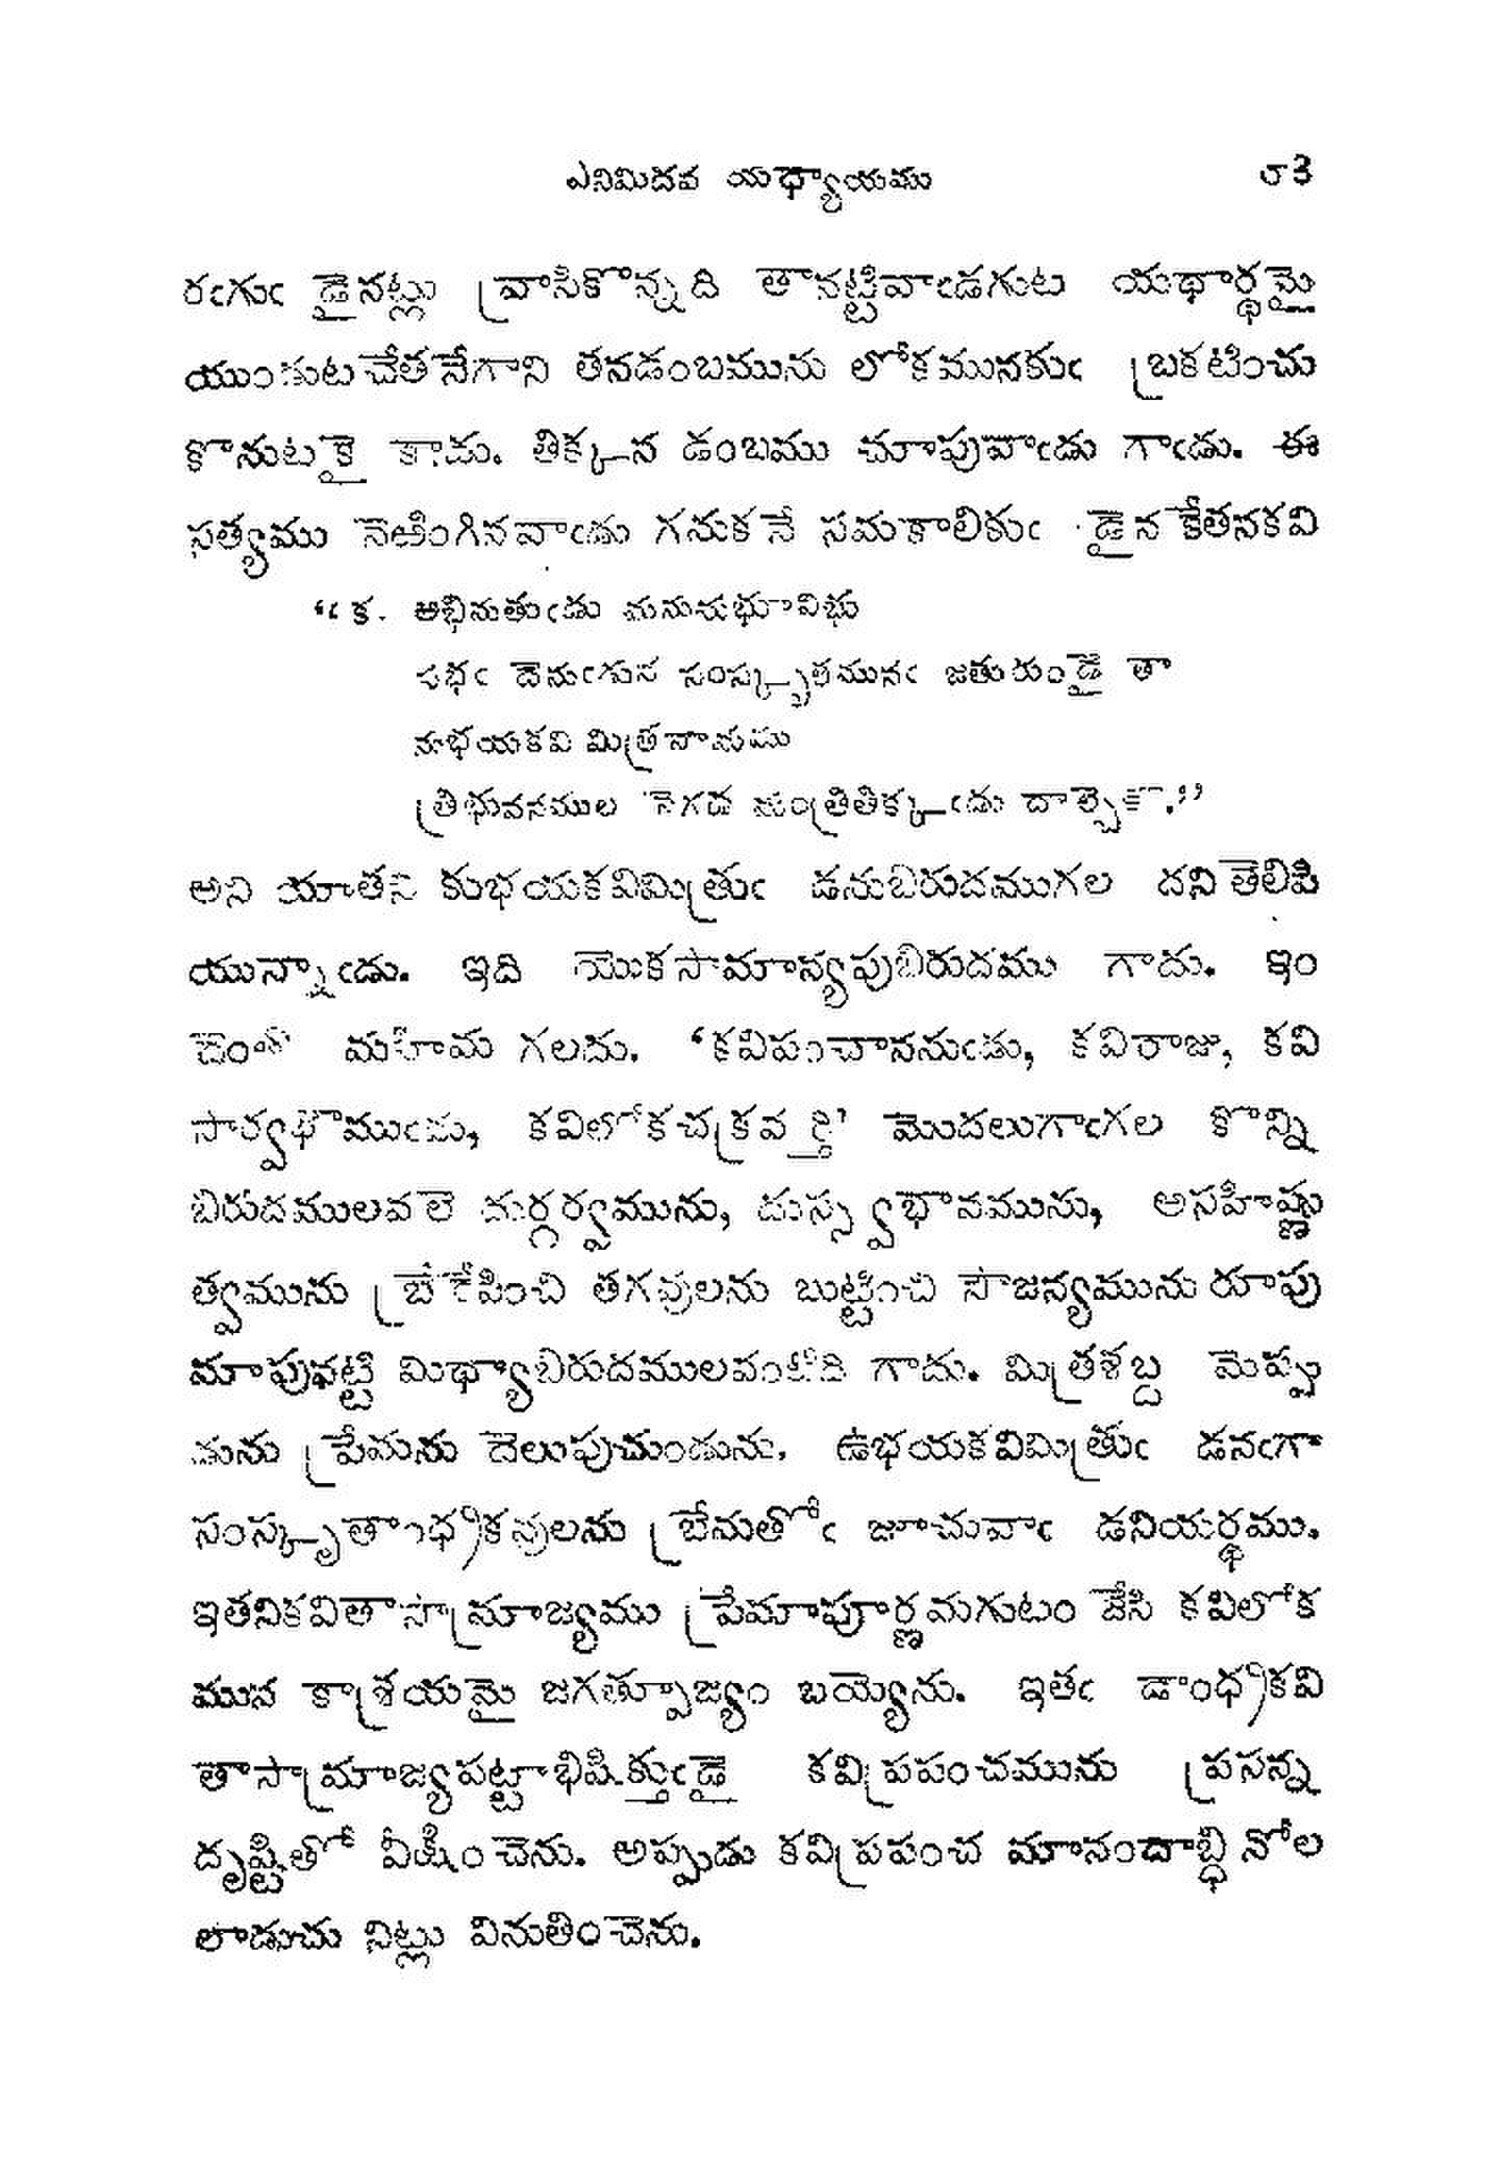రఁగుఁ డైనట్లు వ్రాసికొన్నది. తానట్టివాఁడగుట యథార్థమై యుండుటచేతనేగాని తనడంబమును లోకమునకుఁ బ్రకటించుకొనుటకై కాదు. తిక్కన డంబము చూపువాఁడు గాఁడు. ఈ సత్యము నెఱింగినవాఁడు గనుకనే సమకాలికుఁ డైన కేతనకవి 

"క. అభినుతుఁడు మనుమభూవిభు
 సభఁ దెనుఁగున సంస్కృతమునఁ జతురుండై తా 
 నుభయకవి మిత్రనామము
 త్రిభువనముల నెగడ మంత్రితిక్కఁడు దాల్చె౯." 
అని యాతని కుభయకవిమిత్రుఁ డనుబిరుదముగల దనితెలిపియున్నాఁడు. ఇది యొకసామాన్యపుబిరుదము గాదు. ఇం దెంతు మహిమ గలదు. 'కవిపంచాననుఁడు, కవిరాజు, కవిసార్వభౌముఁడు, కవిలోకచక్రవర్తి' మొదలుగాఁగల కొన్నిబిరుదములవలె దుర్గర్వమును, దుస్స్వభావమును, అసహిష్ణుత్వమును బ్రేరేపించి తగవులను బుట్టించి సౌజన్యమును రూపుమాపునట్టి మిథ్యాబిరుదములవంటిది గాదు. మిత్రశబ్ద మెప్పుడును ప్రేమను దెలుపుచుండును. ఉభయకవిమిత్రుఁ డనఁగా సంస్కృతాంధ్రకవులను బ్రేమతోఁ జూచువాఁ డనియర్ధము. ఇతనికవితాసామ్రాజ్యము ప్రేమాపూర్ణమగుటం జేసి కవిలోకమున కాశ్రయమై జగత్పూజ్యం బయ్యెను. ఇతఁ డాంధ్రకవితాసామ్రాజ్యపట్టాభిషిక్తుఁడై కవిప్రపంచమును ప్రసన్న దృష్టితో వీక్షించెను. అప్పుడు కవిప్రపంచ మానందాబ్దినోల లాడుచు నిట్లు వినుతించెను.